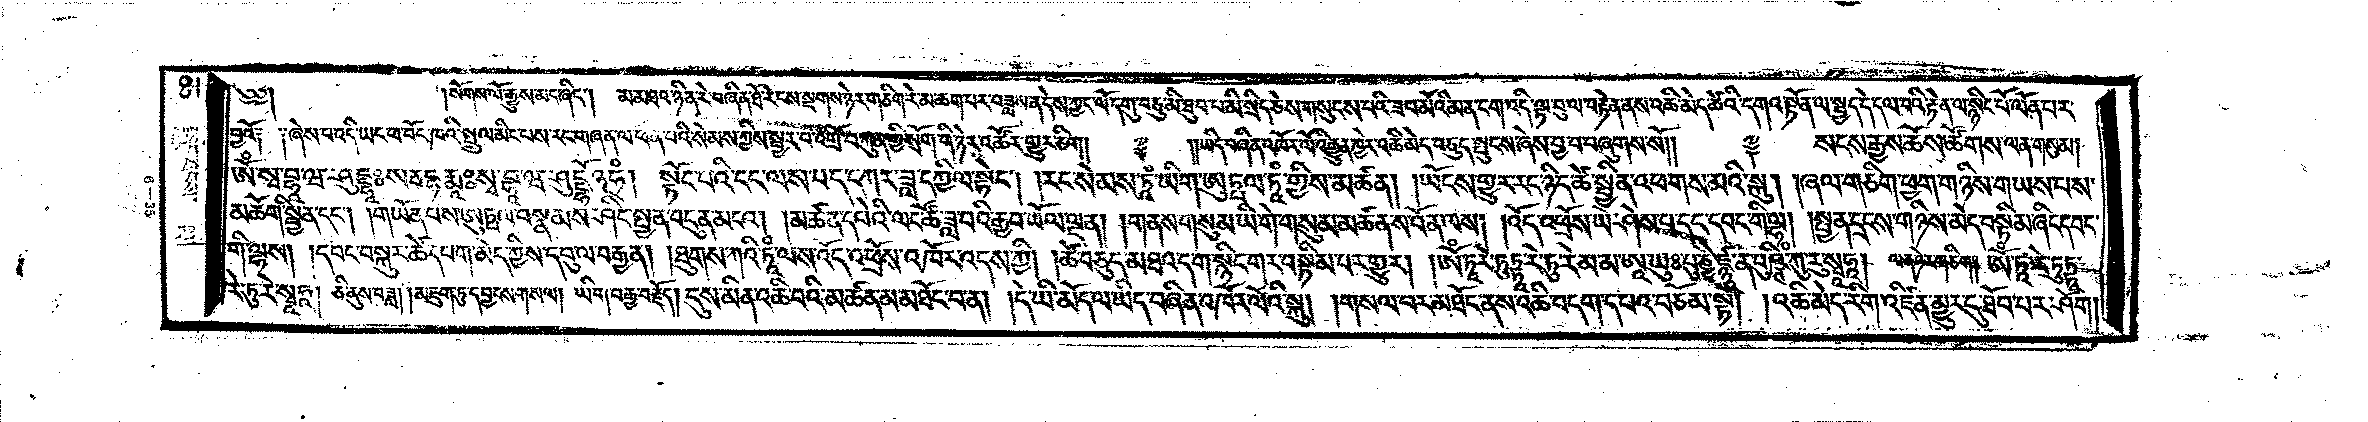༄༅། །སོགས་ལོ་རྒྱུས་མང་ཞིང་། མ་མཐའ་ཉིན་རེ་བཞིན་ཐོ་རེངས་སྔགས་ཉེར་གཅིག་རེ་མ་ཆག་པར་བཟླས་ན་དེས་ཀྱང་ལོ་དགུ་བཅུ་མི་ཐུབ་པ་མི་སྲིད་ཅེས་གསུངས་པའི་ཟབ་མོའི་མན་ངག་འདི་ལྟ་བུ་ལ་བརྟེན་ནས་འཆི་མེད་ཚེའི་དགའ་སྟོན་ལ་སྤྱད་དེ་དལ་བའི་རྟེན་ལ་སྙིང་པོ་ལོན་པར་
བྱའོ༑ ༑ཞེས་པ་འདི་ཡང་ཕ་བོང་ཁའི་སྤྲུལ་མིང་པས་རང་གཞན་ལ་ཕན་པའི་སེམས་ཀྱིས་སྦྱར་བ་འགྲོ་བ་ཀུན་གྱི་སྲོག་གི་ཉེར་འཚོར་གྱུར་ཅིག། ༈ །།ཡིད་བཞིན་འཁོར་ལོའི་རྒྱུན་ཁྱེར་འཆི་མེད་བཅུད་སྤུངས་ཞེས་བྱ་བ་བཞུགས་སོ།། ༈ སངས་རྒྱས་ཆོས་ཚོགས་ལན་གསུམ།
ཨོཾ་སྭ་བྷཱ་ཝ་ཤུདྡྷཱཿསརྦ་དྷརྨཱཿ སྭ་བྷཱ་ཝ་ཤུདྡྷོ་ཉཧྲཾ། སྟོང་པའི་ངང་ལས་པད་དཀར་ཟླ་དཀྱིལ་སྟེང་། །རང་སེམས་ཏཱཾ་ཡིག་ཨུཏྤལ་ཏཱཾ་གྱིས་མཚན། །ཡོངས་གྱུར་རང་ཉིད་ཚེ་སྦྱིན་འཕགས་མའི་སྐུ། །ཞལ་གཅིག་ཕྱག་གཉིས་གཡས་པས་
མཆོག་སྦྱིན་དང་། །གཡོན་པས་ཨུཏྤལ་བསྣམས་ཤིང་སྤྱན་བདུན་མངའ། །མཚན་དཔེའི་ལང་ཚོ་ཟླ་བའི་རྒྱབ་ཡོལ་ལྡན། །གནས་གསུམ་ཡི་གེ་གསུམ་མཚན་ས་བོན་ལས། །འོད་འཕྲོས་ཡེ་ཤེས་པ་དང་དབང་གི་ལྷ། །སྤྱན་དྲངས་གཉིས་མེད་བསྟིམ་ཞིང་དབང་
གི་ལྷས། །དབང་བསྐུར་ཚེ་དཔག་མེད་ཀྱིས་དབུ་ལ་བརྒྱན། །ཐུགས་ཀའི་ཏཱཾ་ལས་འོད་འཕྲོས་འཁོར་འདས་ཀྱི། །ཚེ་བཅུད་མཐའ་དག་སྙིང་གར་བསྟིམ་པར་གྱུར། །ཨོཾ་ཏཱ་རེ་ཏུཏྟཱ་རེ་ཏུ་རེ་མ་མ་ཨཱ་ཡུཿཔུཎྞེ་ཛྙཱ་ན་པུཥྚི་ཀུ་རུ་སྭཱཧཱ། ལན་ཉེར་གཅིག།  ཨོཾ་ཏཱ་རེ་ཏུ་ཏྟཱ་
རེ་ཏུ་རེ་སྭཱཧཱ། ཅི་ནུས་བཟླ། །མཇུག་ཏུ་དབྱངས་གསལ། ཡིག་བརྒྱ་བརྗོད།  དུས་མིན་འཆི་བའི་མཚན་མ་མཐོང་བ་ན། །དེ་ཡི་མདོ་ལ་ཡིད་བཞིན་འཁོར་ལོའི་སྐུ། །གསལ་བར་མཐོང་ནས་འཆི་བདག་དཔའ་བཅོམ་སྟེ། །འཆི་མེད་རིག་འཛིན་མྱུར་དུ་ཐོབ་པར་ཤོག །